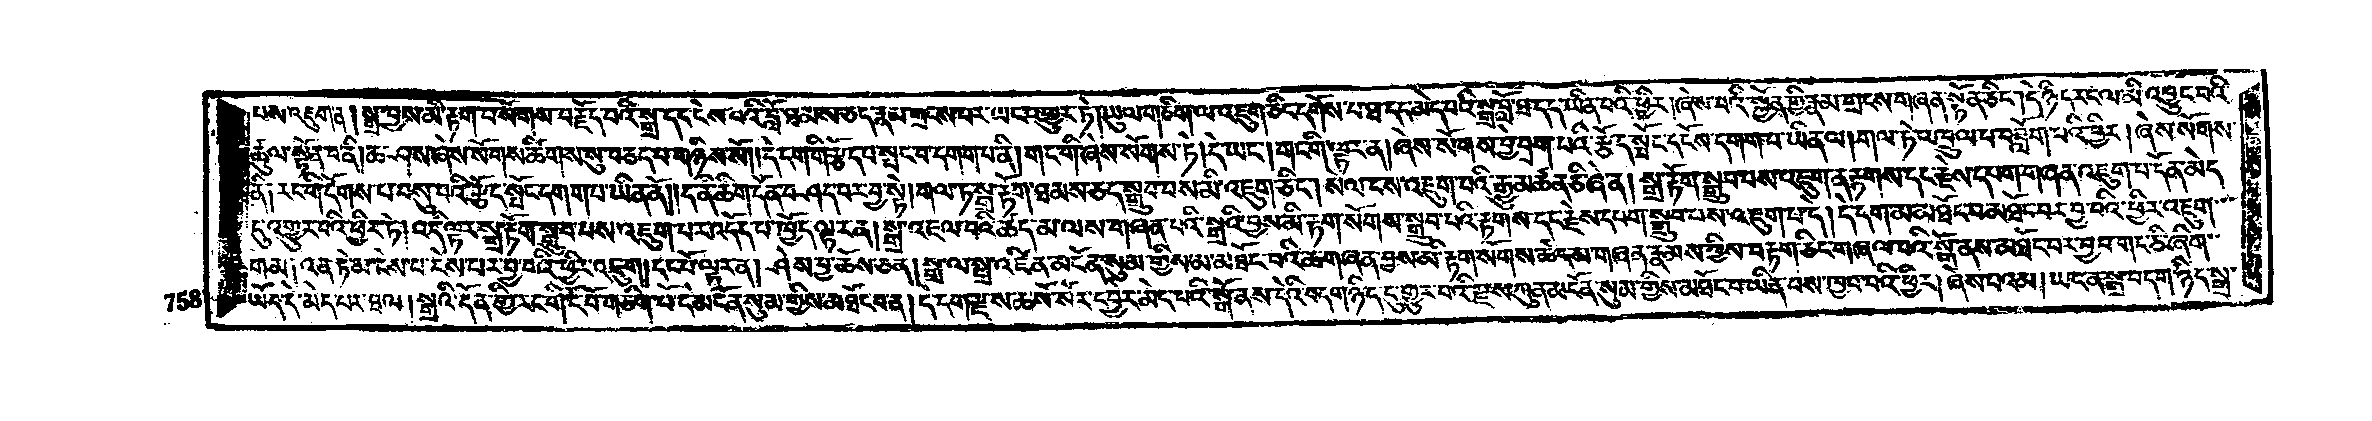པས་འཇུག་ན། སྒྲ་བྱས་མི་རྟག་པ་སོགས་བརྗོད་པའི་སྒྲ་དང་ངེས་པའི་བློ་ཐམས་ཅད་རྣམ་གྲངས་པར་ཡང་འགྱུར་ཏེ། ཡུལ་གཅིག་ལ་འཇུག་ཅིང་དགོས་པ་ཐ་དད་མེད་པའི་སྒྲ་བློ་ཐ་དད་ཡིན་པའི་ཕྱིར། ཞེས་པའི་སྐྱོན་གྱི་རྣམ་གྲངས་གཞན་སྟོན་ཅིང་། དེ་ཉིད་རང་ལ་མི་འབྱུང་བའི་
ཚུལ་སྟོན་པ་ནི། ཆ་ཤས་ཞེས་སོགས་ཚིགས་སུ་བཅད་པ་གཉིས་སོ། །དེ་དག་གི་རྩོད་པ་སྤང་བ་དགག་པ་ནི། གང་གི་ཞེས་སོགས་ཏེ། དེ་ཡང་། གང་གི་ལྟར་ན། ཞེས་སོགས་བྱེ་བྲག་པའི་རྩོད་སྤོང་དངོས་དགག་པ་ཡིན་ལ། གལ་ཏེ་འཁྲུལ་པ་བཟློག་པའི་ཕྱིར། ཞེས་སོགས་
ནི། རང་གི་དོགས་པ་བསུ་བའི་རྩོད་སྤོང་དགག་པ་ཡིན་ནོ། །ད་ནི་ཚིག་དོན་བཤད་པར་བྱ་སྟེ། གལ་ཏ་སྒྲ་རྟོག་ཐམས་ཅད་སྒྲུབ་པས་མི་འཇུག་ཅིང་། སེལ་བས་འཇུག་པའི་རྒྱུ་མཚན་ཅི་ཞེ་ན། སྒྲ་རྟོག་སྒྲུབ་པས་འཇུག་ན་རྟགས་དང་རྗེས་དཔག་གཞན་འཇུག་པ་དོན་མེད་
དུ་འགྱུར་བའི་ཕྱིར་ཏེ། འདི་ལྟར་སྒྲ་རྟོག་སྒྲུབ་པས་འཇུག་པར་འདོད་པ་ཁྱོད་ལྟར་ན། སྒྲ་འཇལ་བའི་ཚད་མ་ལས་གཞན་པའི་སྒྲའི་བྱས་མི་རྟག་སོགས་སྒྲུབ་པའི་རྟགས་དང་རྗེས་དཔག་སྒྲུབ་པས་འཇུག་པ་དེ། དེ་དག་མ་མཐོང་བ་མཐོང་བར་བྱ་བའི་ཕྱིར་འཇུག་
གམ། འོན་ཏེ་མ་ངེས་པ་ངེས་པར་བྱ་བའི་ཕྱིར་འཇུག །དང་པོ་ལྟར་ན། ཤེས་བྱ་ཆོས་ཅན། སྒྲ་ལ་སྒྲ་འཛིན་མངོན་སུམ་གྱིས་མ་མཐོང་བའི་ཆ་གཞན་བྱས་མི་རྟག་སོགས་ཚད་མ་གཞན་རྣམས་ཀྱིས་བརྟག་ཅིང་གཞལ་བའི་སྒོ་ནས་མཐོང་བར་བྱ་བ་གང་ཅི་ཞིག་
ཡོད་དེ་མེད་པར་ཐལ། སྒྲའི་དོན་གྱི་རང་གི་ངོ་བོ་གཅིག་པོ་དེ་མངོན་སུམ་གྱིས་མཐོང་བ་ན། དེ་དག་རྫས་ཆ་སོ་སོར་དབྱེར་མེད་པའི་སྒོ་ནས་དེའི་བདག་ཉིད་དུ་གྱུར་བའི་རྫས་ཀུན་མངོན་སུམ་གྱིས་མཐོང་བ་ཡིན་པས་ཁྱབ་པའི་ཕྱིར། ཞེས་པའམ། ཡང་ན་སྒྲ་བདག་ཉིད་སྒྲ་